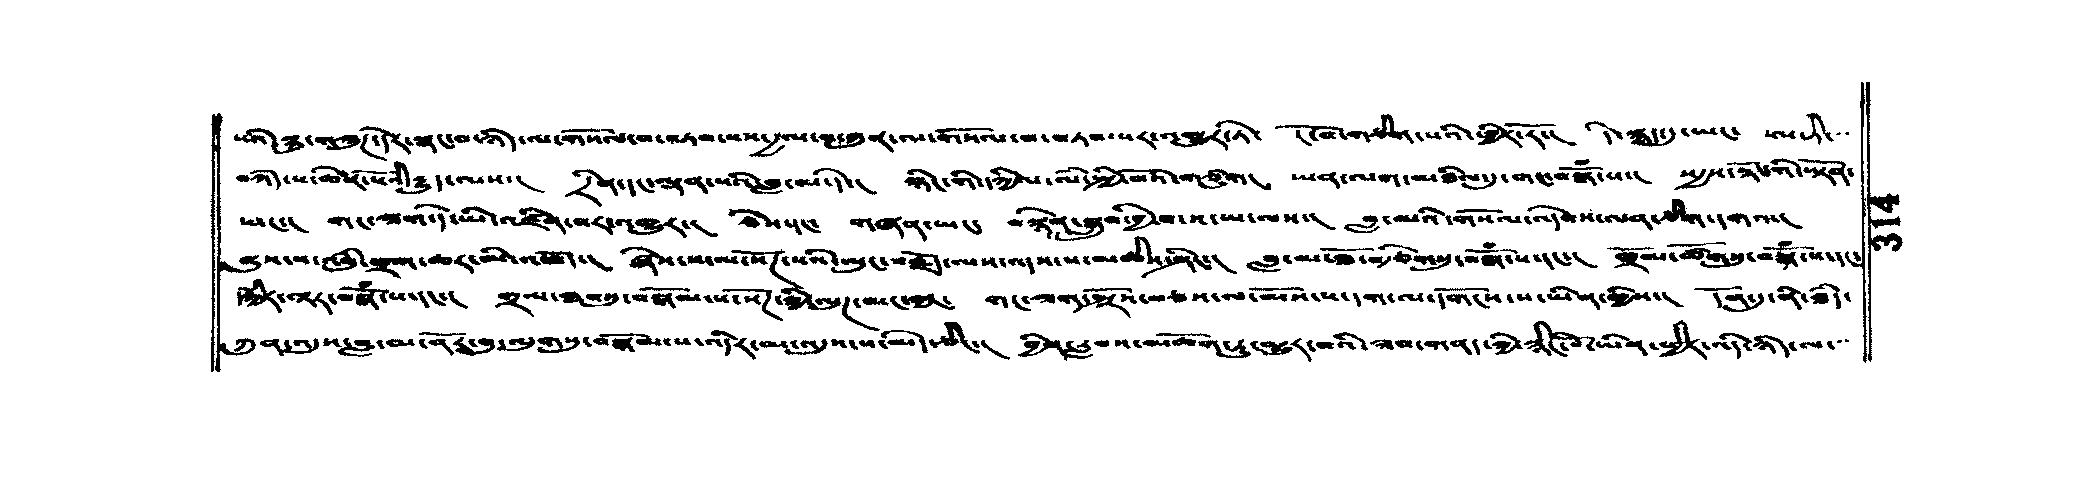པའི་སྐུ་གཟུགས་དེར་སྣང་བ་ཉིད་ལ་གསོལ་བ་བཏབ་པས་རྒྱལ་བ་ཀུན་ལ་གསོལ་བ་བཏབ་པར་འགྱུར་ཏེ། ངོ་བོ་གཅིག་པའི་ཕྱིར་རོ། དེ་སྐད་དུ་ཡང། ཨ་ཏི་
བཀོད་པ་ཆེན་པོའི་རྒྱུད་ལས། དྲིན་དང་ལྡན་པའི་བླ་མ་དེ། །སྙིང་གི་དཀྱིལ་ལམ་སྤྱི་བོའི་གཙུག །ཡན་ལག་མཐིལ་དུ་གང་བསྒོམ་པ། །སངས་རྒྱས་སྟོང་གི་ཡོན་ཏན་
ཡང་། །གང་ཟག་དེ་ཡི་འཛིན་པར་འགྱུར། ཅེས་དང་། གཞན་ཡང་། སྙན་སྒྲུབ་བྱེ་བ་ས་ཡ་ལས། །བླ་མའི་གསོལ་འདེབས་ལན་གཅིག་དགའ། །
ནུས་པ་འབུམ་ཕྲག་ཆར་མི་ཕོད། ཅེས་པ་ལ་སོགས་པའི་ལུང་བརྗོད་ལས་འདས་པ་མཆིས་ཤིང་། བླ་མ་ཐོ་བརྩེགས་སུ་བསྒོམ་པ་དང་། ཁྲོམ་ཚོགས་སུ་བསྒོམ་པ་དང།
དཀྱིལ་འཁོར་ལྟར་བསྒོམ་པ་དང་། གྲལ་ཐབས་སུ་བསྒོམ་པ་སོགས་ཀྱི་ལུགས་མང་ཀྱང་། གང་ཟག་སྤྲོས་བཅས་ལ་མོས་པ་དག་ལ་དགོངས་པ་ཡིན་གྱིས། དོན་དུ་ནི་ཐམས་ཅད་
ཀུན་འདུས་བླ་མ་ནོར་བུ་ལུགས་སུ་བསྒོམ་པ་འདིར་མ་འདུས་པ་མེད་ཅིང་། བྱིན་རླབས་མཆོག་ཏུ་མྱུར་བའི་ཟབ་གནད་ཀྱི་སྙིང་པོ་ཡིན་ཕྱིར་འདི་ཉིད་ལ་